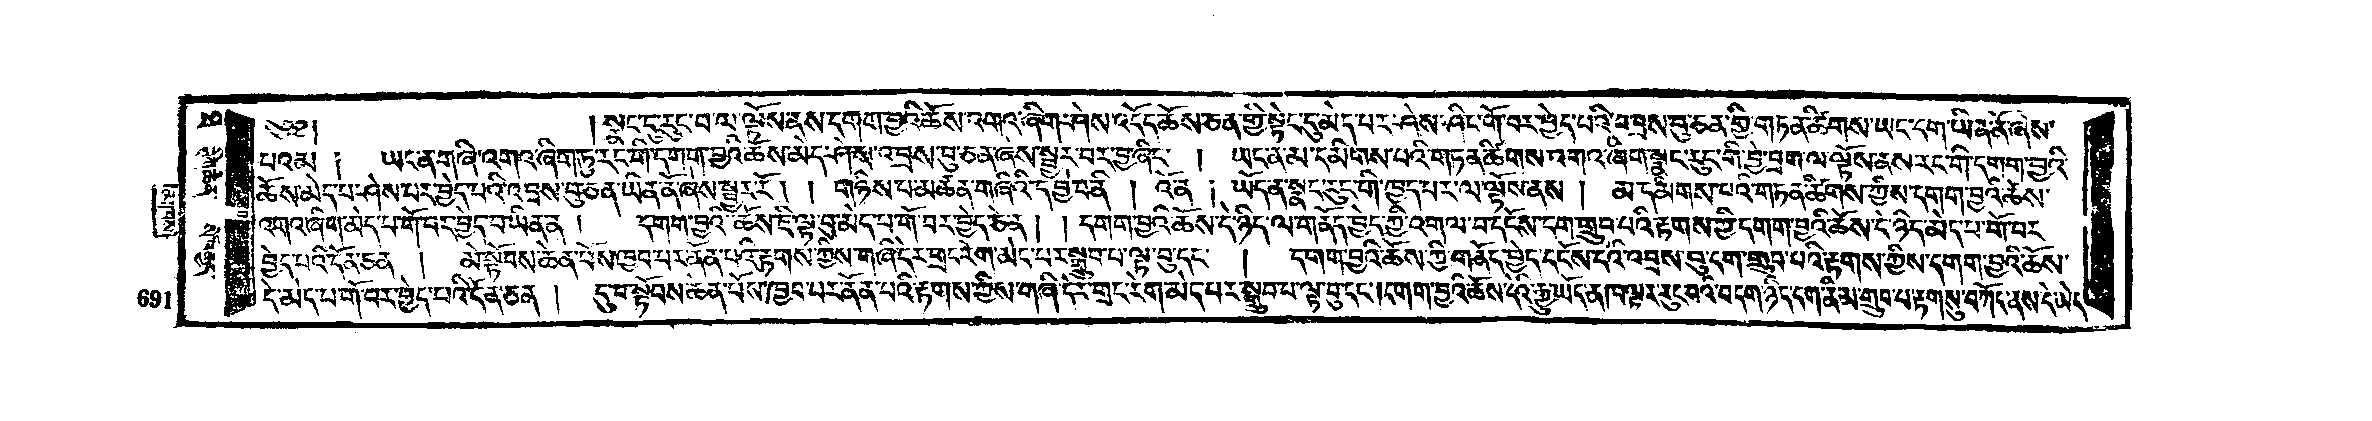༄༅། །སྣང་དུ་རུང་བ་ལ་ལྟོས་ནས་དགག་བྱའི་ཆོས་འགའ་ཞིག་ཤེས་འདོད་ཆོས་ཅན་གྱི་སྟེང་དུ་མེད་པར་ཤེས་ཤིང་གོ་བར་བྱེད་པའི་འབྲས་བུ་ཅན་གྱི་གཏན་ཚིགས་ཡང་དག་ཡིན་ནོ་ཞེས་
པའམ། ཡང་ན་གཞི་འགའ་ཞིག་ཏུ་རང་གི་དགག་བྱའི་ཆོས་མེད་ཤེས་འབྲས་བུ་ཅན་ཞེས་སྦྱར་བར་བྱ་ཞིང་། ཡང་ན་མ་དམིགས་པའི་གཏན་ཚིགས་འགའ་ཞིག་སྣང་རུང་གི་བྱེ་བྲག་ལ་ལྟོས་ནས་རང་གི་དགག་བྱའི་
ཆོས་མེད་པ་ཤེས་པར་བྱེད་པའི་འབྲས་བུ་ཅན་ཡིན་ནོ་ཞེས་སྦྱར་རོ། །གཉིས་པ་མཚན་གཞིའི་དབྱེ་བ་ནི། འོ་ན། ཡོད་ན་སྣང་རུང་གི་ཁྱད་པར་ལ་ལྟོས་ནས། མ་དམིགས་པའི་གཏན་ཚིགས་ཀྱིས་དགག་བྱའི་ཆོས་
འགའ་ཞིག་མེད་པ་གོ་བར་བྱེད་པ་ཡིན་ན། དགག་བྱའི་ཆོས་ཇི་ལྟ་བུ་མེད་པ་གོ་བར་བྱེད་ཅེ་ན། །དགག་བྱའི་ཆོས་དེ་ཉིད་ལ་གནོད་བྱེད་ཀྱི་འགལ་བ་དངོས་དག་གྲུབ་པའི་རྟགས་ཀྱི་དགག་བྱའི་ཆོས་དེ་ཉིད་མེད་པ་གོ་བར་
བྱེད་པའི་དོན་ཅན། མེ་སྟོབས་ཆེན་པོས་ཁྱབ་པར་ནོན་པའི་རྟགས་ཀྱིས་གཞི་དེར་གྲང་རེག་མེད་པར་སྒྲུབ་པ་ལྟ་བུ་དང་། དགག་བྱའི་ཆོས་ཀྱི་གནོད་བྱེད་དངོས་དེའི་འབྲས་བུ་དག་གྲུབ་པའི་རྟགས་ཀྱིས་དགག་བྱའི་ཆོས་
དེ་མེད་པ་གོ་བར་བྱེད་པའི་དོན་ཅན། དུ་བ་སྟོབས་ཆེན་པོས་ཁྱབ་པར་ནོན་པའི་རྟགས་ཀྱིས་གཞི་དེར་གྲང་རེག་མེད་པར་སྒྲུབ་པ་ལྟ་བུ་དང་། དགག་བྱའི་ཆོས་དེའི་རྒྱུ་ཡོད་ན། བལྟར་རུང་བའི་བདག་ཉིད་དག་ནི་མ་གྲུབ་པ་རྟགས་སུ་བཀོད་ནས་དེ་མེད་